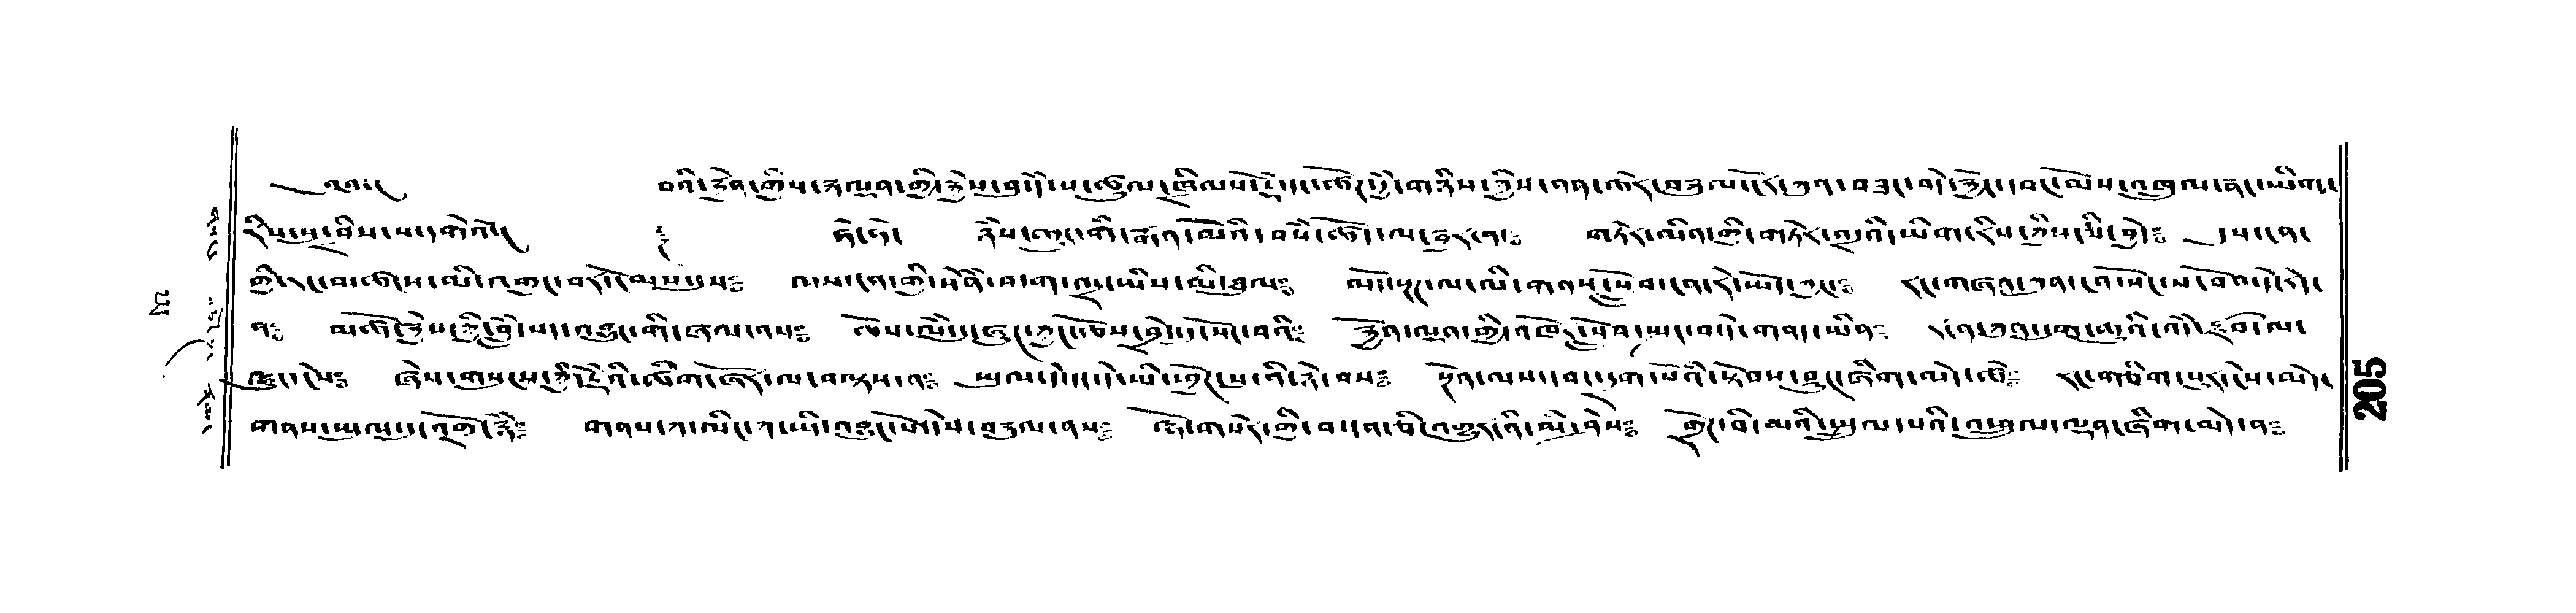བའི་རྐྱེན་གྱིས་སྐལ་ལྡན་གྱི་སྐྱེས་བུ་དམ་པ་ཚུལ་ཁྲིམས་རྡོ་རྗེ་དང་ཚོགས་རྒྱམ་གཉིས་ཀྱིས་ནན་ཆེར་བསྐུལ་ངོར་ཀུན་བཟང་བདེ་སྐྱོང་དབང་མོས་འཁྲུལ་སྣང་ཡིག་
རིས་སུ་བྲིས་པ་དགེའོ།། ༈ ཧེ་ཧེ༔ ཉམས་ཆུང་གི་རྒན་མོའི་བསམ་ཚོད་ལ་སྦྱར་ན༔ གཏེར་མིན་གྱི་གཏེར་འདྲའི་ཡིག་རིས་ཀྱིས་ཅི་བྱེད༔ དུས་ངན་
གྱི་རང་མཚང་མི་འགྱང་བར་ངོམས་དུས༔ ལས་ངན་གྱི་སེམས་ཅན་བདག་འདྲ་ཡིས་མི་ཐུལ༔ མདོ་སྔགས་ལ་མི་གནས་སློབ་ངན་རེ་ཡོད་ཀྱང༔ རང་གཞན་ཀུན་ངན་སོང་ས་བོན་དེ་རེད་
ན༔ མཚོ་སྐྱེས་ཀྱི་བླ་མ་པད་འབྱུང་གི་ཞལ་ནས༔ ཆོས་ལམ་དུ་ཞུགས་ཀྱང་ཆོས་བྲེད་དུ་སོང་བའི༔ སྐྱོན་ལྡན་གྱི་འཁོར་སློབ་སྤང་བ་དེ་གནད་ཡིན༔ རང་གཞན་ཀུན་དུག་ཆུའི་འདམ་རྫབ་ལ་
ལྷུང་ངེས༔ཞེས་གསུངས་ཀྱི་རྡོ་རྗེའི་ཚིག་ཞོར་ལ་བལྟས་ན༔ ཡུལ་དེ་དང་དེ་ཡི་ཕྱོགས་སུ་ནི་ཉེ་བས༔ སྔོན་ལས་དབང་དྲག་པོའི་སྟོབས་ཤུགས་ཞིག་མེད་ཚེ༔ རང་གཅིག་པུར་ངེས་མེད་
གནས་ཡུལ་དུ་འགྲོ་སྙམ༔ གནས་ཀ་ལིང་ཀ་ཡི་འབྱུང་པོ་དེས་བསྐུལ་ནས༔ ལྷོ་གསེར་གྱི་བ་དན་ཅི་འགྱུར་ནི་མི་ཤེས༔ གྲོགས་བི་མའི་སྤྲུལ་པ་འཕྲུལ་ལྡན་ཞིག་མེད་ན༔